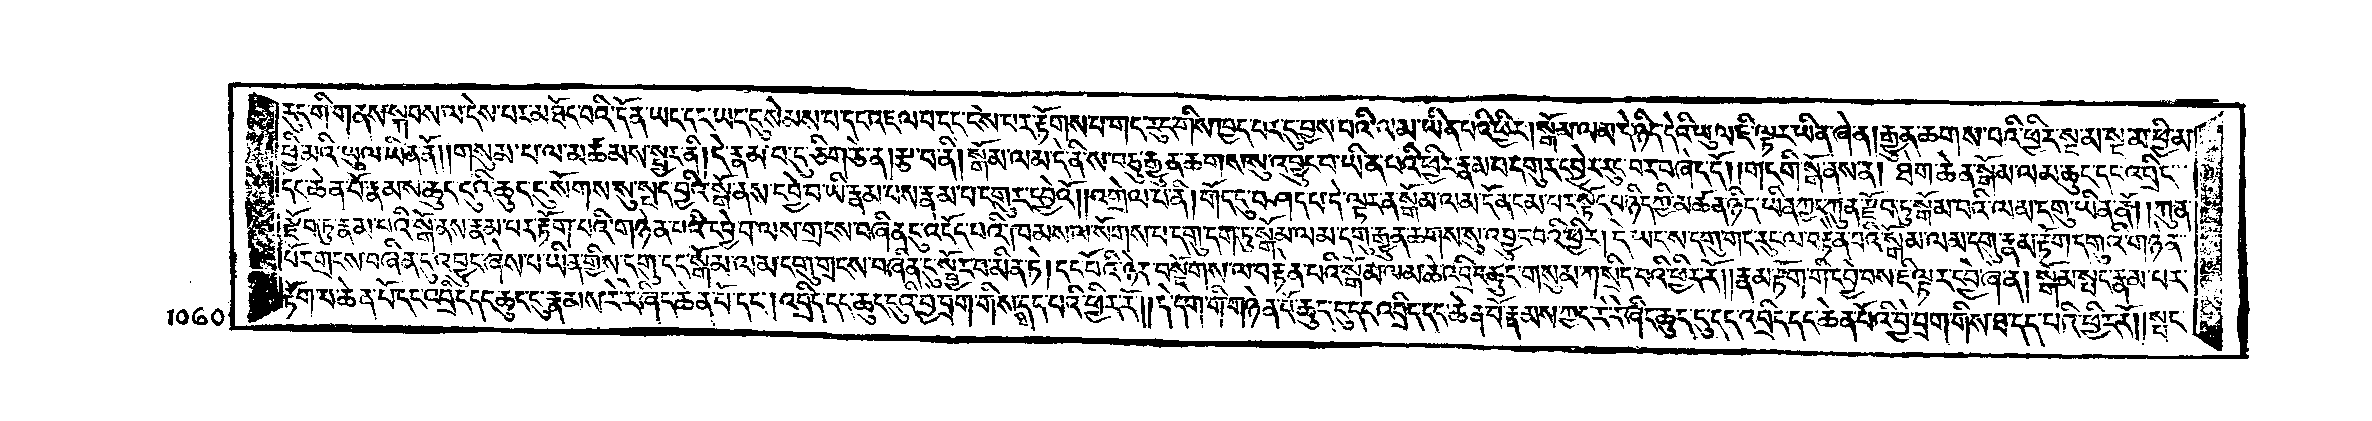རུང་གི་གནས་སྐབས་ལ་ངེས་པར་མཐོང་བའི་དོན་ཡང་དང་ཡང་དུ་སེམས་པ་དང་འཇལ་བ་དང་ངེས་པར་རྟོགས་པ་གང་རུང་གིས་ཁྱད་པར་དུ་བྱས་པའི་ལམ་ཡིན་པའི་ཕྱིར། སྒོམ་ལམ་དེ་ཉིད་དེའི་ཡུལ་ཇི་ལྟར་ཡིན་ཞེ་ན། རྒྱུན་ཆགས་པའི་ཕྱིར་སྔ་མ་སྔ་མ་ཕྱི་མ་
ཕྱི་མའི་ཡུལ་ཡིན་ནོ། །གསུམ་པ་ལ་མཚམས་སྦྱར་ནི། དེ་རྣམ་པ་དུ་ཅིག་ཅེ་ན། རྩ་བ་ནི། སྒོམ་ལམ་དེ་ནི་ས་བཅུ་རྒྱུན་ཆགས་སུ་འབྱུང་བ་ཡིན་པའི་ཕྱིར་རྣམ་པ་དགུར་དབྱེར་རུང་བར་བཞེད་དོ། །གང་གི་སྒོ་ནས་ན། ཐེག་ཆེན་སྒོམ་ལམ་ཆུང་དང་འབྲིང་
དང་ཆེན་པོ་རྣམས་ཆུང་ངུའི་ཆུང་ངུ་སོགས་སུ་སྤང་བྱའི་སྒོ་ནས་དབྱེ་བ་ཡི་རྣམ་པས་རྣམ་པ་དགུར་དབྱེའོ། །འགྲེལ་པ་ནི། གོང་དུ་བཤད་པ་དེ་ལྟར་ན་སྒོམ་ལམ་དོན་དམ་པར་སྟོང་པ་ཉིད་ཀྱི་མཚན་ཉིད་ཡིན་ཀྱང་ཀུན་རྫོབ་ཏུ་སྒོམ་པའི་ལམ་དགུ་ཡིན་ནོ། །ཀུན་
རྫོབ་ཏུ་རྣམ་པའི་སྒོ་ནས་རྣམ་པར་རྟོག་པའི་གཉེན་པའི་དབྱེ་བ་ལས་གྲངས་བཞིན་དུ་འདོད་པའི་ཁམས་ལ་སོགས་པ་དགུ་དག་ཏུ་སྒོམ་ལམ་དགུ་རྒྱུན་ཆགས་སུ་འབྱུང་བའི་ཕྱིར། དེ་ཡང་ས་དགུ་གང་རུང་ལ་བརྟེན་པའི་སྒོམ་ལམ་དགུ་རྣམ་རྟོག་དགུའི་གཉེན་
པོར་གྲངས་བཞིན་དུ་འབྱུང་ཞེས་པ་ཡིན་གྱིས་དགུ་དང་སྒོམ་ལམ་དགུ་གྲངས་བཞིན་དུ་སྦྱོར་བ་མིན་ཏེ། དང་པོའི་ཉེར་བསྔོགས་ལ་བརྟེན་པའི་སྒོམ་ལམ་ཆེ་འབྲིང་ཆུང་གསུམ་ཀ་སྲིད་པའི་ཕྱིར་རོ། །རྣམ་རྟོག་གི་དབྱེ་བས་ཇི་ལྟར་དབྱེ་ཞེ་ན། སྒོམ་སྤང་རྣམ་པར་
རྟོག་པ་ཆེན་པོ་དང་འབྲིང་དང་ཆུང་ངུ་རྣམས་རེ་རེ་ཞིང་ཆེན་པོ་དང་། འབྲིང་དང་ཆུང་ངུའི་བྱེ་བྲག་གིས་ཐ་དད་པའི་ཕྱིར་རོ། །དེ་དག་གི་གཉེན་པོ་ཆུང་ངུ་དང་འབྲིང་དང་ཆེན་པོ་རྣམས་ཀྱང་རེ་རེ་ཞིང་ཆུང་ངུ་དང་འབྲིང་དང་ཆེན་པོའི་བྱེ་བྲག་གིས་ཐ་དད་པའི་ཕྱིར་རོ། །སྤན་